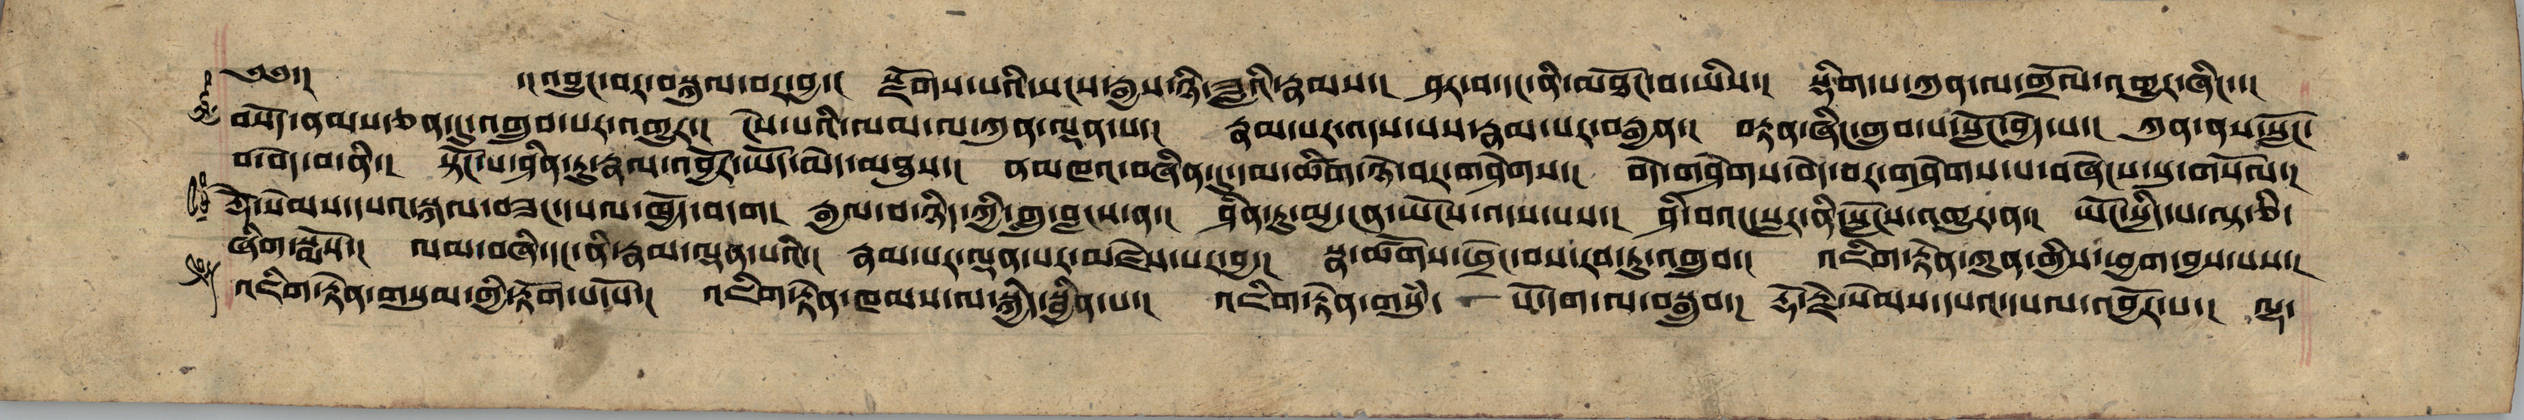༄༅་། ་།འབྱུང་བར་བསྐུལ་བར་བྱ་། སྫོགས་པའི་སངས་རྒྱས་ཉི་ཟླའི་རྣམས་། ཤར་བ་དང་ནི་མཐོང་བ་ཡིས་། སྡིག་པ་ཀུན་ལ་གྲོལ་འགྱུར་ཞིང་་།
བསོད་ནམས་ཅན་དུ་འགྲུབ་པར་འགྱུར་། ངེས་པའི་ལམ་ལ་ཀུན་ལྡན་པ་། རྣམ་པར་འདས་པས་རྣམ་པར་བརྒྱན་། བརྟན་ཞིང་གྲུབ་པ་སློང་བྱེད་པ་། ཀུན་ནས་སློང་
བ་བདེ་བ་ནི་། སྟོང་པ་ཤིན་ཏུ་རྣལ་འབྱོར་ཡོད་མེད་མཐུས་། ནམཁའ་བཞིན་དུ་དམ་ཚིག་ཉེ་བར་གཤེགས་། བདེ་གཤེགས་བདེ་བར་གཤེགས་པ་བཞེངས་སུ་གསོལ་།
རྡོེ་སེམས་དཔའ་སྐལ་བཟང་དཔལ་ཁྱོད་བདག། རྒྱ་བ་ཉིད་ཀྱི་གླུ་བླངས་ན་། ཤིན་ཏུ་མྱ་ངན་ཡོངས་འདས་པས་། ཤི་བའང་སླར་ནི་སློངས་འགྱུར་ན་། ཡོང་སྲིད་པ་ལྟ་ཅི་
ཞིག་སྨོས་། ལམ་བཞི་དང་ནི་རྣམ་ལྡན་པའི་། རྣམ་པར་ལྡན་པར་མཛེས་པར་བྱ་། སྣ་ཚོགས་ཕྲེང་བས་རབ་ཏུ་འགྲུབ་། འཇིག་རྟེན་ཀུན་གྱིས་ཕྱག་བྱས་པས་།
འཇིག་རྟེན་གསུམ་གྱི་རྟོག་པ་པོ་། འཇིག་རྟེན་ཁམས་ལ་སྐྱིད་སྦྱིན་པ་། འཇིག་རྟེན་གསུཾ་ པོ་དག་ལ་བསྒྲུབ་། རྡོ་རྗེ་སེམས་དཔའ་དཔལ་འབྱོར་པ་། ལྷ་